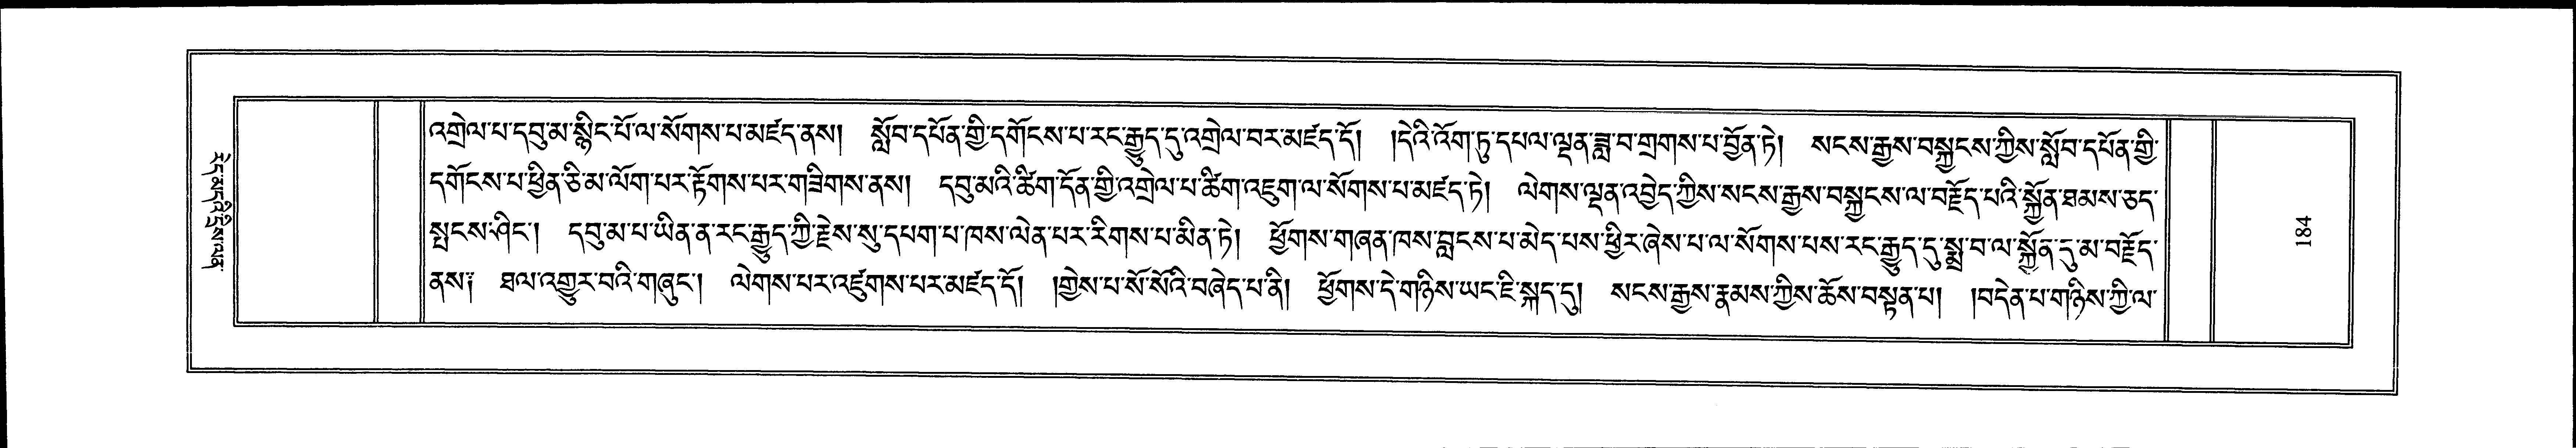འགྲེལ་པ་དབུ་མ་སྙིང་པོ་ལ་སོགས་པ་མཛད་ནས། སློབ་དཔོན་གྱི་དགོངས་པ་རང་རྒྱུད་དུ་འགྲེལ་བར་མཛད་དོ། །དེའི་འོག་ཏུ་དཔལ་ལྡན་ཟླ་བ་གྲགས་པ་བྱོན་ཏེ། སངས་རྒྱས་བསྐྱངས་ཀྱིས་སློབ་དཔོན་གྱི་
དགོངས་པ་ཕྱིན་ཅི་མ་ལོག་པར་རྟོགས་པར་གཟིགས་ནས། དབུ་མའི་ཚིག་དོན་གྱི་འགྲེལ་པ་ཚིག་འཇུག་ལ་སོགས་པ་མཛད་ཏེ། ལེགས་ལྡན་འབྱེད་ཀྱིས་སངས་རྒྱས་བསྐྱངས་ལ་བརྗོད་པའི་སྐྱོན་ཐམས་ཅད་
སྤངས་ཤིང་། དབུ་མ་པ་ཡིན་ན་རང་རྒྱུད་ཀྱི་རྗེས་སུ་དཔག་པ་ཁས་ལེན་པར་རིགས་པ་མིན་ཏེ། ཕྱོགས་གཞན་ཁས་བླངས་པ་མེད་པས་ཕྱིར་ཞེས་པ་ལ་སོགས་པས་རང་རྒྱུད་དུ་སྨྲ་བ་ལ་སྐྱོན་དུ་མ་བརྗོད་
ནས། ཐལ་འགྱུར་བའི་གཞུང་། ལེགས་པར་འཛུགས་པར་མཛད་དོ། །གྱེས་པ་སོ་སོའི་བཞེད་པ་ནི། ཕྱོགས་དེ་གཉིས་ཡང་ཇི་སྐད་དུ། སངས་རྒྱས་རྣམས་ཀྱིས་ཆོས་བསྟན་པ། །བདེན་པ་གཉིས་ཀྱི་ལ་